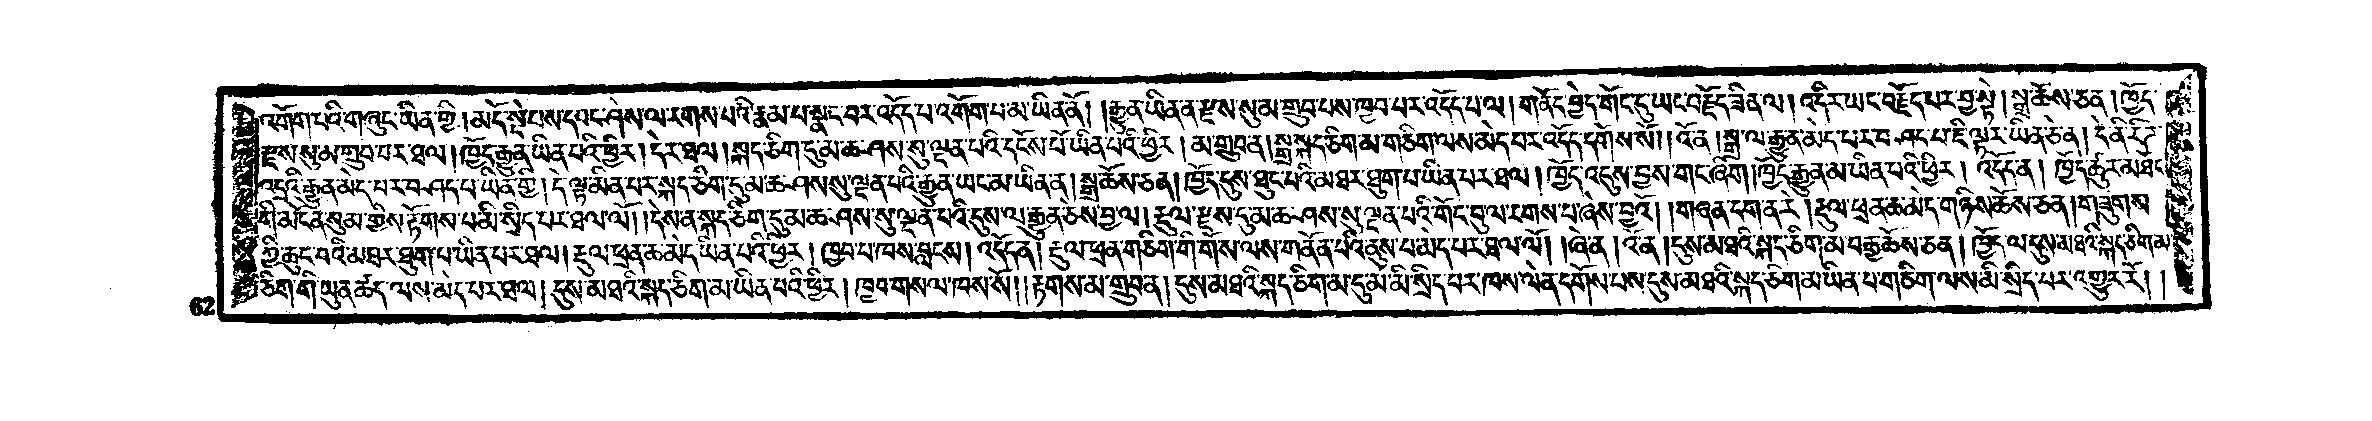འགོག་པའི་གཞུང་ཡིན་གྱི། མདོ་སྡེ་པས་དབང་ཤེས་ལ་རགས་པའི་རྣམ་པ་སྣང་བར་འདོད་པ་འགོག་པ་མ་ཡིན་ནོ། །རྒྱུན་ཡིན་ན་རྫས་སུ་མ་གྲུབ་པས་ཁྱབ་པར་འདོད་པ་ལ། གནོད་བྱེད་གོང་དུ་ཡང་བརྗོད་ཟིན་ལ། འདིར་ཡང་བརྗོད་པར་བྱ་སྟེ། སྒྲ་ཆོས་ཅན། ཁྱོད་
རྫས་སུ་མ་གྲུབ་པར་ཐལ། ཁྱོད་རྒྱུན་ཡིན་པའི་ཕྱིར། དེར་ཐལ། སྐད་ཅིག་དུ་མ་ཆ་ཤས་སུ་ལྡན་པའི་དངོས་པོ་ཡིན་པའི་ཕྱིར། མ་གྲུབ་ན། སྒྲ་སྐད་ཅིག་མ་གཅིག་ལས་མེད་པར་འདོད་དགོས་སོ། །འོ་ན། སྒྲ་ལ་རྒྱུན་མེད་པར་བཤད་པ་ཇི་ལྟར་ཡིན་ཅེ་ན། དེ་ནི་རིཌ་
འདྲའི་རྒྱུན་མེད་པར་བཤད་པ་ཡིན་གྱི། དེ་ལྟ་མིན་པར་སྐད་ཅིག་དུ་མ་ཆ་ཤས་སུ་ལྡན་པའི་རྒྱུན་ཡང་མ་ཡིན་ན། སྒྲ་ཆོས་ཅན། ཁྱོད་དུས་ཐུང་པའི་མཐར་ཐུག་པ་ཡིན་པར་ཐལ། ཁྱོད་འདུས་བྱས་གང་ཞིག །ཁྱོད་རྒྱུན་མ་ཡིན་པའི་ཕྱིར། འདོད་ན། ཁྱོད་ཚུར་མཐོང་
གི་མངོན་སུམ་གྱིས་རྟོགས་པ་མི་སྲིད་པར་ཐལ་ལོ། །དེས་ན་སྐད་ཅིག་དུ་མ་ཆ་ཤས་སུ་ལྡན་པའི་དུས་ལ་རྒྱུན་ཅེས་བྱ་ལ། རྡུལ་རྫས་དུ་མ་ཆ་ཤས་སུ་ལྡན་པའི་གོང་བུ་ལ་རགས་པ་ཞེས་བྱའོ། །གཞན་དག་ན་རེ། རྡུལ་ཕྲན་ཆ་མེད་གཉིས་ཆོས་ཅན། གཟུགས་
ཀྱི་ཆུང་བའི་མཐར་ཐུག་པ་ཡིན་པར་ཐལ། རྡུལ་ཕྲན་ཆ་མེད་ཡིན་པའི་ཕྱིར། ཁྱབ་པ་ཁས་བླངས། འདོད་ན། རྡུལ་ཕྲན་གཅིག་གི་གོ་ས་ལས་གནོན་པའི་ནུས་པ་མེད་པར་ཐལ་ལོ། །ཞེ་ན། འོ་ན། དུས་མཐའི་སྐད་ཅིག་མ་བརྒྱ་ཆོས་ཅན། ཁྱོད་ལ་དུས་མཐའི་སྐད་ཅིག་མ་
ཅིག་གི་ཡུན་ཚད་ལས་མེད་པར་ཐལ། དུས་མཐའི་སྐད་ཅིག་མ་ཡིན་པའི་ཕྱིར། ཁྱབ་གསལ་ཁས་སོ། །རྟགས་མ་གྲུབ་ན། དུས་མཐའི་སྐད་ཅིག་མ་དུ་མ་མི་སྲིད་པར་ཁས་ལེན་དགོས་པས་དུས་མཐའི་སྐད་ཅིག་མ་ཡིན་པ་གཅིག་ལས་མི་སྲིད་པར་འགྱུར་རོ། །